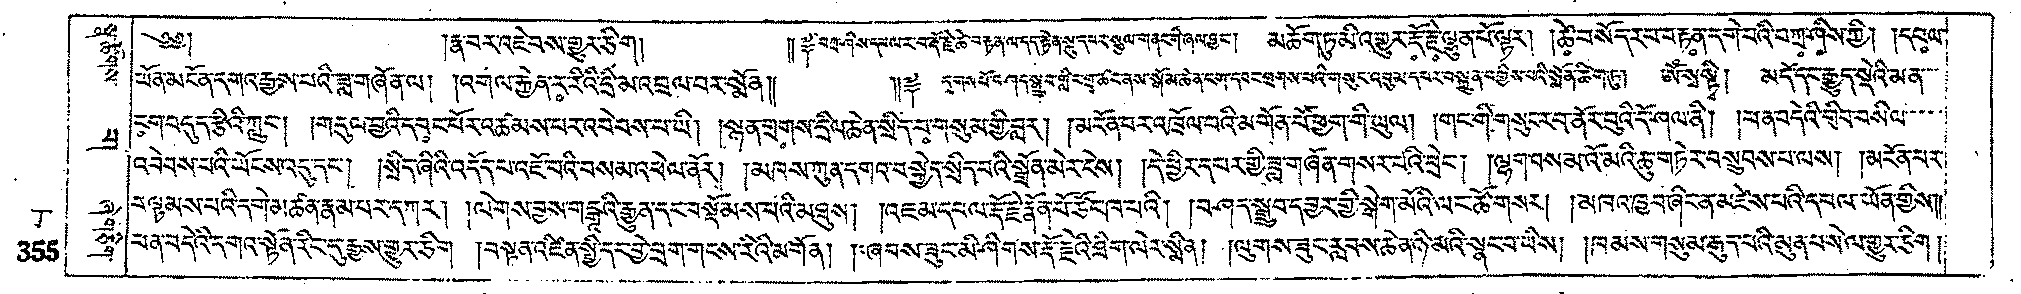༄༅། །རྣ་བར་འཇེབས་གྱུར་ཅིག། །།འ་བཀྲ་ཤིས་དཔལ་ར་བ་རྡོ་རྗེ་ཚེ་བརྟན་ལ་དད་རྟེན་སྐུ་དཔར་སྩལ་གནང་གི་ཞལ་བྱང་།  མཆོག་ཏུ་མི་འགྱུར་རྡོ྾་རྗེ྾་ལྷུན་པོ་ལྟར། །ཚེ྾་བསོད་རབ་བརྟན྾་དགེ་བའི་བཀྲ྾་ཤིས྾་ཀྱི། །དཔལ྾་
ཡོན་མངོན་དགའ་རྒྱས་པའི་ཟླ་གཞོན་ལ། །འགལ་རྐྱེན་ར྾་རིའི་དྲི་མ་འབྲལ་བར་སྨོན།། །།འ་དྭགས་པོ་བཤད་སྒྲུབ་གླིང་གྲྭ་ཚང་ནས་སྒོམ་ཆེན་ངག་དབང་གྲགས་པའི་གསུང་འབུམ་དཔར་བསྐྲུན་བགྱིས་པའི་སྨོན་ཚིག་ཏུ།  ཨོཾ་སྭསྟྭི། མདོ་དང་རྒྱུད་སྡེའི་མན་་་
ངག྾་བདུད་རྩིའི་ཀླུང་། །གདུལ་བྱའི་དབང྾་པོར་འཚམས་པར་འབེབས་པ་ཡི། །སྙན་གྲགས྾་དྲིལ་ཆེན་སྲིད་པ྾་གསུམ་གྱི་བླར། །མངོན་པར་འཁྲོལ་བའི་མགོན་པོ་ཕྱག་གི་ཡུལ། །གང་གི་གསུང་རབ་ནོར་བུའི་དོ་ཤལ་ནི། །ཕན་བདེའི་གྲིབ་བསིལ་་་
འབེབས་པའི་ཡོངས་འདུ་དང་། །སྲིད་ཞིའི་འདོད་པ་འཇོ་བའི་བསམ་འཕེལ་ནོར། །མཁས་ཀུན་དགའ་བསྐྱེད་སྲིད་པའི་སྒྲོན་མེར་ངེས། །དེ་ཕྱིར་དཔར་གྱི་ཟླ་གཞོན་གསར་པའི་ཕྲེང་། །ལྷག་བསམ་འོ་མའི་ཆུ་གཏེར་བསྲུབས་པ་ལས། །མངོན་པར་
བ་ལྟམས་པའི་དགེ་མཚན་རྣམ་པར་དཀར། །ལེགས་བྱས་གངྒཱའི་རྒྱུན་དང་བསྡོམས་པའི་མཐུས། །འཇམ་དཔལ་རྡོ་རྗེ་རྣོན་པོ་ཙོང་ཁ་པའི། །བཤད་སྒྲུབ་དབྱར་གྱི་སྒེག་མོའི་ལང་ཚོ་གསར། །མཁའ་ཁྱབ་ཞིང་ན་མཛེས་པའི་དཔལ་ཡོན་གྱིས།།
ཕན་བདེའི་དགའ་སྟོན་རིང་དུ་རྒྱས་གྱུར་ཅིག །བསྟན་འཛིན་སྤྱི་དང་བྱེ་བྲག་གངས་རིའི་མགོན། །༧ཞབས་ཟུང་མི་ཤིགས་རྡོ་རྗེའི་ཐིག་ལེར་སྨིན། །ལུགས་ཟུང་རླབས་ཆེན་ཉི་མའི་སྣང་བ་ཡིས། །ཁམས་གསུམ་རྒྱུད་པའི་མུན་པ་སེལ་གྱུར་ཅིག །